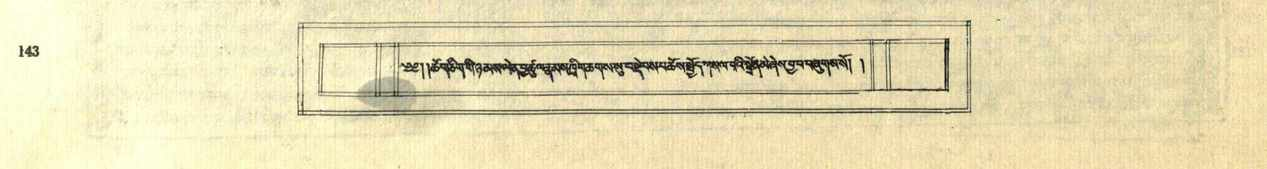༄༅། །ཚེ་གཅིག་གི་ཉམས་ལེན་བྱ་ཚུལ་རྣམས་ཁྲིག་ཆགས་སུ་བསྡེབས་པ་ཆོས་སྤྱོད་གསལ་བའི་སྒྲོན་མེ་ཞེས་བྱ་བ་བཞུགས་སོ། །